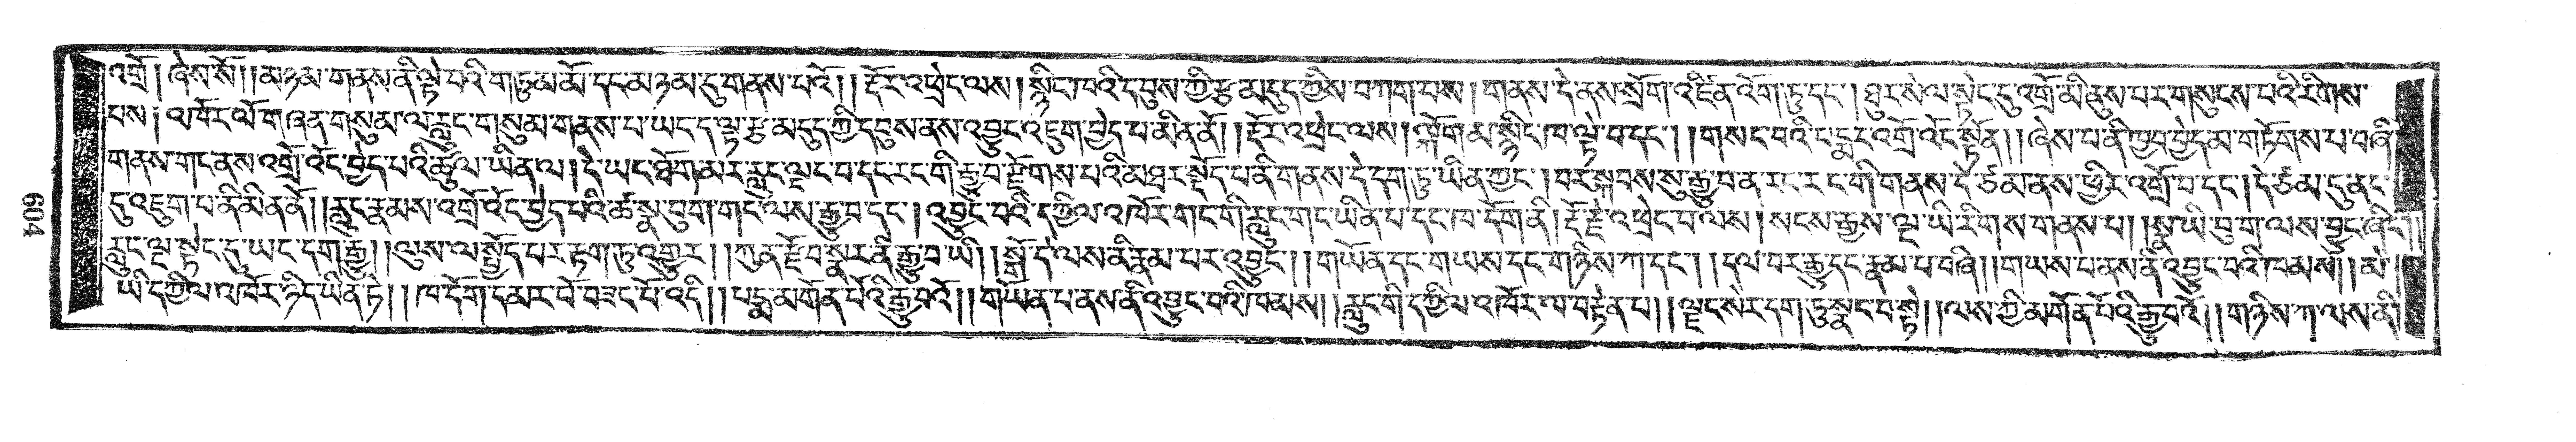འགྲོ། ཞེས་སོ། །མཉམ་གནས་ནི་ལྟེ་བའི་གཏུམ་མོ་དང་མཉམ་དུ་གནས་པའོ། །རྡོར་འཕྲེང་ལས། སྙིང་ཁའི་དབུས་ཀྱི་རྩ་མདུད་ཀྱིས་བཀག་པས། གནས་དེ་ནས་སྲོག་འཛིན་འོག་ཏུ་དང་། ཐུར་སེལ་སྟེང་དུ་འགྲོ་མི་ནུས་པར་གསུངས་པའི་རིགས་
པས། འཁོར་ལོ་གཞན་གསུམ་ལ་རླུང་གསུམ་གནས་པ་ཡང་ད་ལྟ་རྩ་མདུད་ཀྱི་དབུས་ནས་འབྱུང་འཇུག་བྱེད་པ་མིན་ནོ། །རྡོར་འཕྲེང་ལས། ལྐོག་མ་སྙིང་ཁ་ལྟེ་བ་དང་། །གསང་བའི་པདམར་འགྲོ་འོང་སྟོན། །ཞེས་པ་ནི་ཁྱབ་བྱེད་མ་གཏོགས་པ་བཞི་
གནས་གང་ནས་འགྲོ་འོང་བྱེད་པའི་ཚུལ་ཡིན་ལ། དེ་ཡང་ཐོག་མར་རླུང་ལྡང་བ་དང་རང་གི་རྒྱུ་བ་རྫོགས་པའི་མཐར་སྡོད་པ་ནི་གནས་དེ་དག་ཏུ་ཡིན་ཀྱང་། བར་སྐབས་སུ་རྒྱུ་བ་ན་རང་རང་གི་གནས་དེ་ཙམ་ནས་ཕྱིར་འགྲོ་བ་དང་། དེ་ཙམ་དུ་ནང་
དུ་འཇུག་པ་ནི་མིན་ནོ། །རླུང་རྣམས་འགྲོ་འོང་བྱེད་པའི་ཚ་སྣ་བུག་གང་ལས་རྒྱུ་བ་དང་། འབྱུང་བའི་དཀྱིལ་འཁོར་གང་གི་རླུང་གང་ཡིན་པ་དང་ཁ་དོག་ནི། རྡོ་རྗེ་འཕྲེང་བ་ལས། སངས་རྒྱས་ལྔ་ཡི་རིགས་གནས་པ། །སྣ་ཡི་བུ་ག་ལས་བྱུང་ཞིང་། །
རླུང་ལྔ་སྟེང་དུ་ཡང་དག་རྒྱུ། །ལུས་ལ་སྤྱོད་པར་རྟག་ཏུ་འགྱུར། །ཀུན་རྫོབ་སྣར་ནི་རྒྱུ་བ་ཡི། །སྒོ་དེ་ལས་ནི་རྣམ་པར་འབྱུང་། །གཡོན་དང་གཡས་དང་གཉིས་ཀ་དང་། །དལ་བར་རྒྱུ་དང་རྣམ་པ་བཞི། །གཡས་པ་ནས་ནི་འབྱུང་བའི་ཁམས། །མེ་
ཡི་དཀྱིལ་འཁོར་ཉིད་ཡིན་ཏེ། །ཁ་དོག་དམར་པོ་བཟང་པོ་འདི། །པདམ་མགོན་པོའི་རྒྱུ་བའོ། །གཡོན་པ་ནས་ནི་འབྱུང་བའི་ཁམས། །རླུང་གི་དཀྱིལ་འཁོར་ལ་བརྟེན་པ། །ལྗང་སེར་དག་ཏུ་སྣང་བ་སྟེ། །ལས་ཀྱི་མགོན་པོའི་རྒྱུ་བའོ། །གཉིས་ཀ་ལས་ནི་